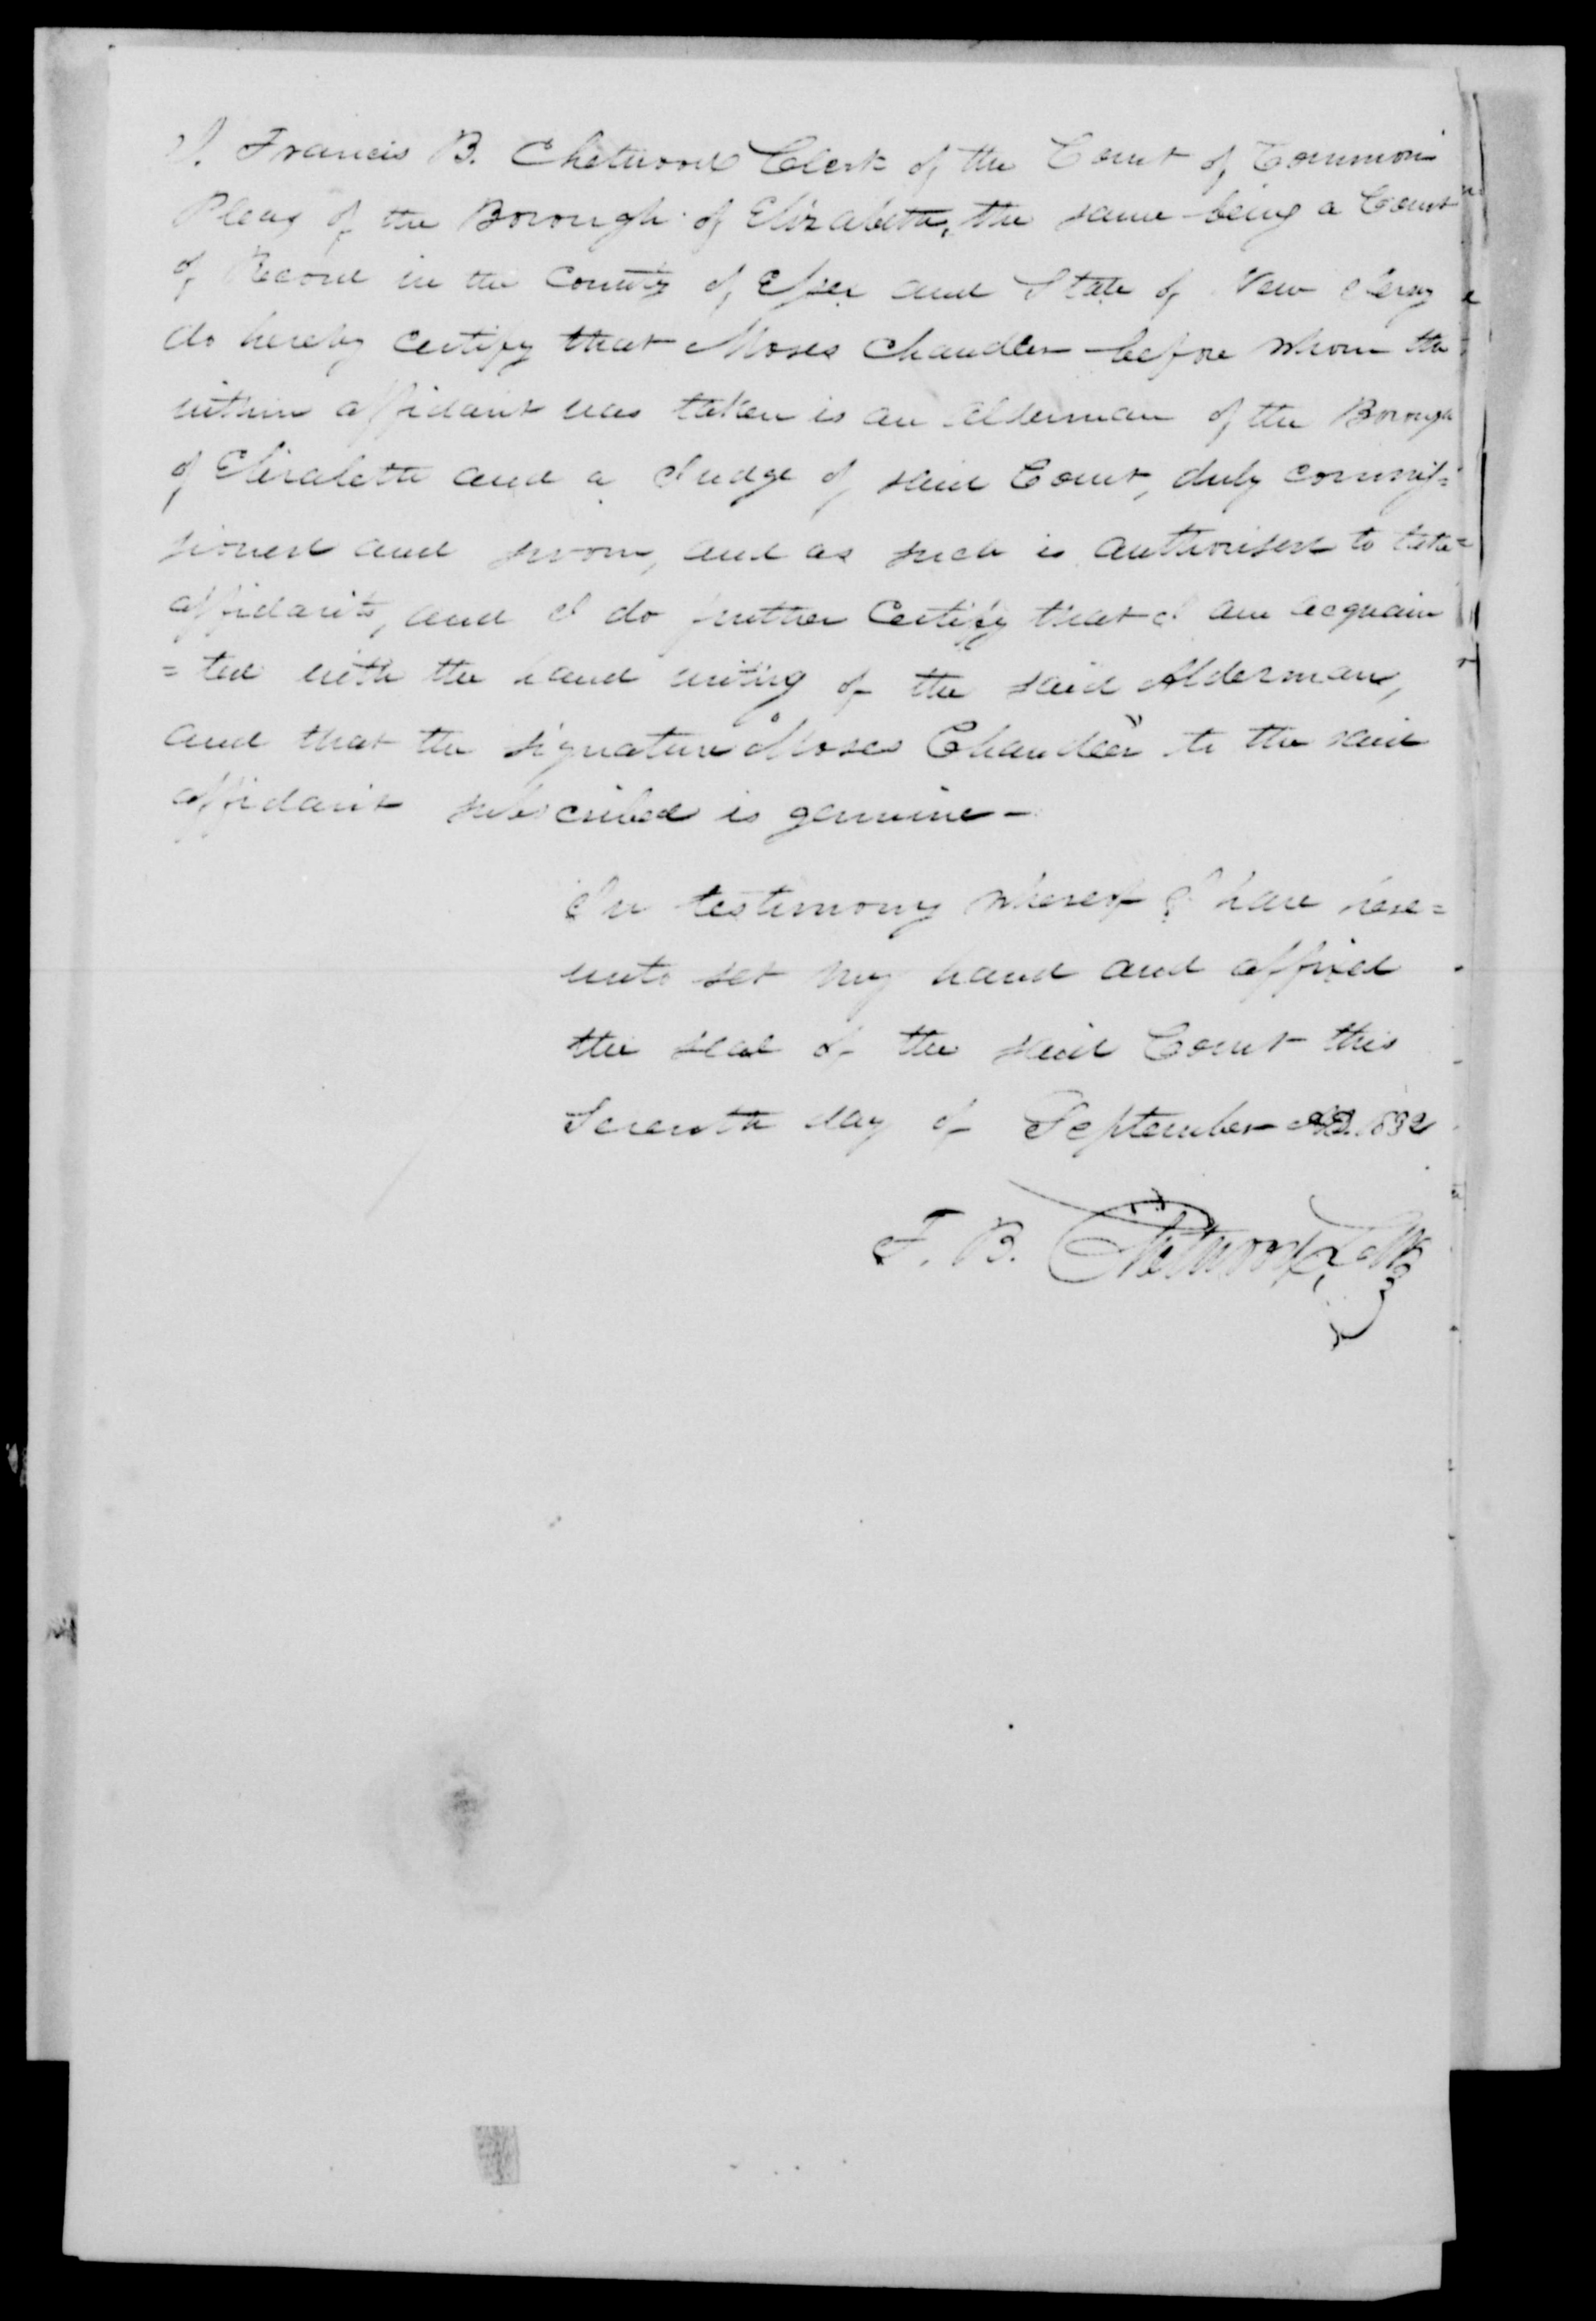I Francis B. Chetwood Clerk of the Court of Commo Pleas of the Borough of Elizabeth, the same being a Court of Record in the County of Essex and State of New Jersey do hereby certify that Moses Chandler before whom the within affidant was taken is an alderman of the Borough of Elizabeth and a judge of said Court, duly commissioned and sworn, and as such is authorized to take affidavits, and I do further certify that I am acquainted with the hand writing of the said Alderman, and that the signature "Moses Chandler" to the said affidavit subscribed is genuine --
In testimony whereof I have hereunto set my hand and affixed the seal of the said Court this seventh day of September A.D. 1832.
F. B. Chetwood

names: Moses Chandler; F B Chetwood; Moses Chandler; Francis B Chetwood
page: 12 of 44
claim: survivor's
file: S. 912, for Samuel Shipman, New Jersey